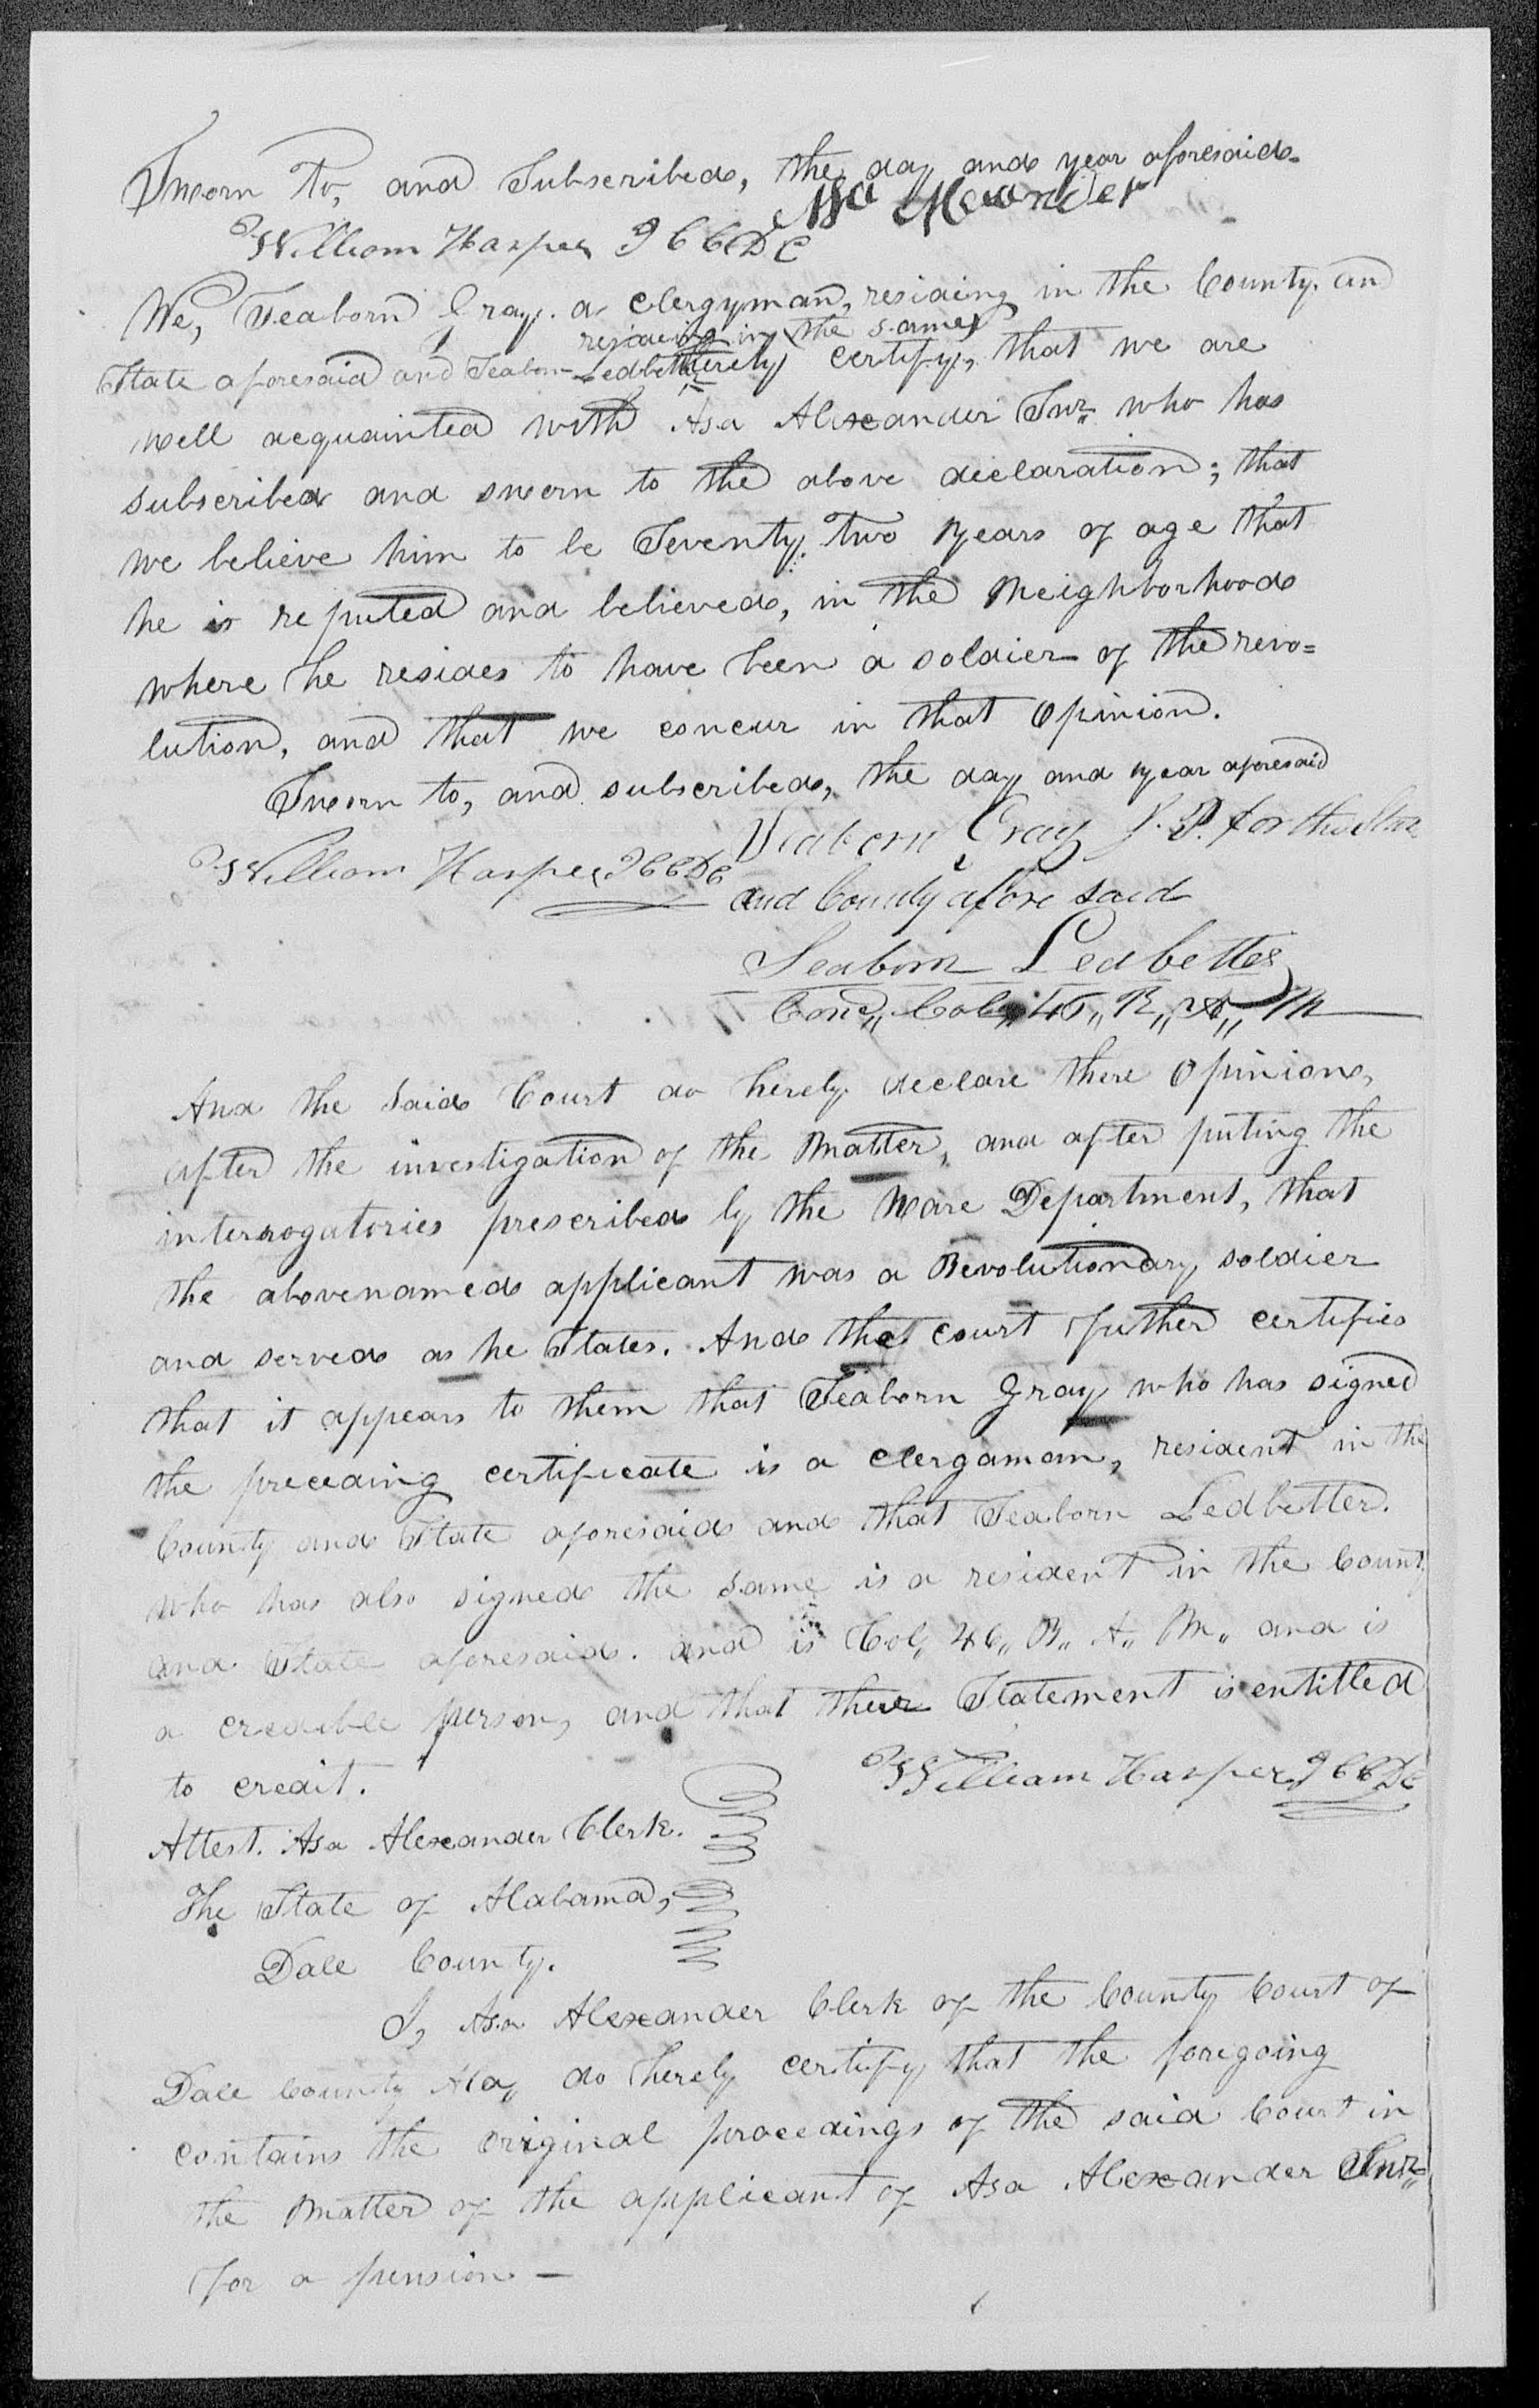Sworn to and Subscribed, the day and year aforesaid. 
[Signature] Asa Alexander
[Signature] Willaim Harper JCCDC
We, Seaborn Gray, a clergyman residing in the County and state aforesaid and Seaborn Ledbetter ^residing in the same [inserted above], certify, that we are well acquainted with Asa Alexander Snr who has subscribed and sworn to the above declaration; that we believe him to be Seventy Two years of age that is refuted and believed, in the neighborhood where he resides to have been a solder in the revolution, and we concur in that opinion. 
Sworn to, and subscribed, the day and year aforesaid. 
[Signature] William Harper JCCDC
[Signature] Seaborn Gray J.P. for the State and County aforesaid
[Signature] Seaborn Ledbetter Con, Col. 46, B, A, M.
And the said court do hereby declare there opinion after the investigation of the matter, and after puting interrogatories prescribed by the War Department that the abovenamed applicant was a Revolutionay soldier and served as he states. And the court further certifies that it appears to them that Seaborn Gray who signed the preceding certificate is a clergyman, resident in the county and state aforesaid and that Seaborn Ledbetter who has also signed the same is a resident in the county and state aforesaid and is Col. 46, B.A.M. and a credible person, and that their statement is entitled to credit.  
[Signature] William Harper JCCDC
Attest Asa Alexander Clerk
State of Alabama,
Dale County.
I, Asa Alexander, Clerk of the County Court of Dale County, Ala do hereby certify that the foregoing contains the original proceeding of the said matter of the applicant of Asa Alexander Snr. for a pension--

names: Asa Alexander, William Harper, Seaborn Ledbetter, William Harper, Asa Alexander, Asa Alexander, Seaborn Ledbetter, Asa Alexander, Asa Alexander, J P Gray, Seabron Gray, William Harper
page: 5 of 35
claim: survivor's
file: S. 32092, Asa Alexander, Ga.